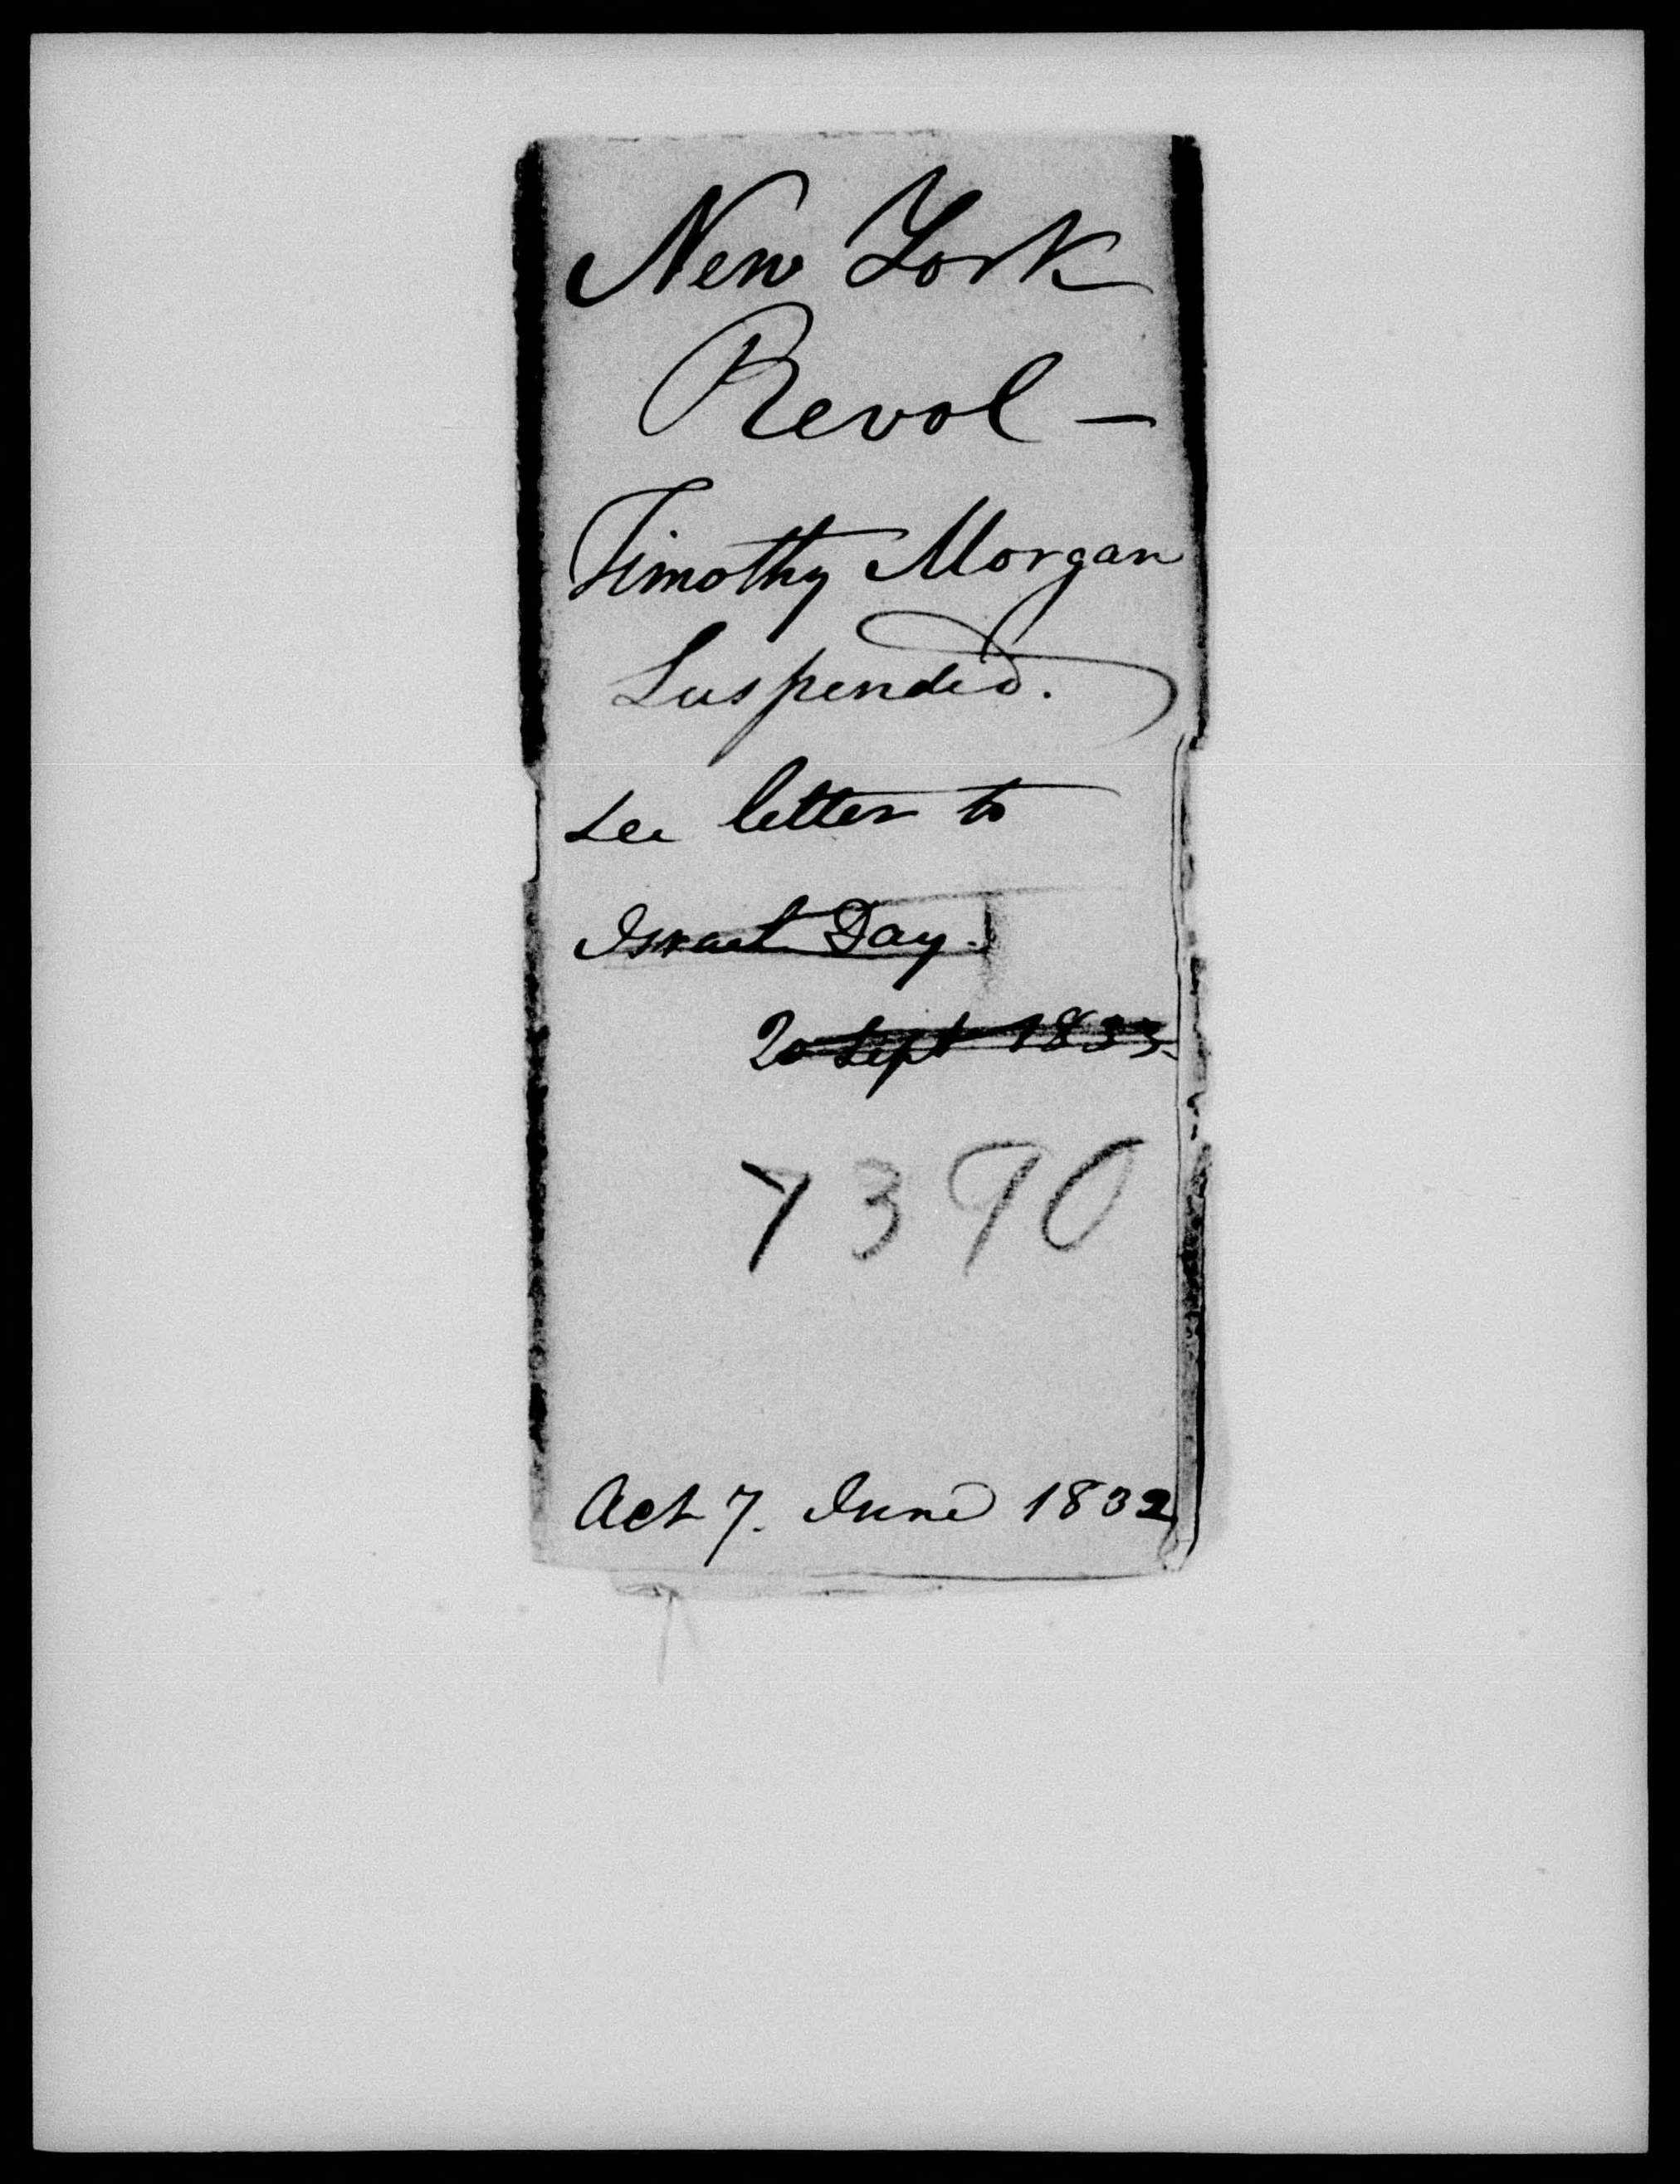New York
Revol
Timothy Morgan
Suspended.
see letter to
Israel Day 7390
Act 7. June 1832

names: Timothy Morgan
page: 12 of 19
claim: rejected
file: R 7390, for Timothy Morgan, Connecticut